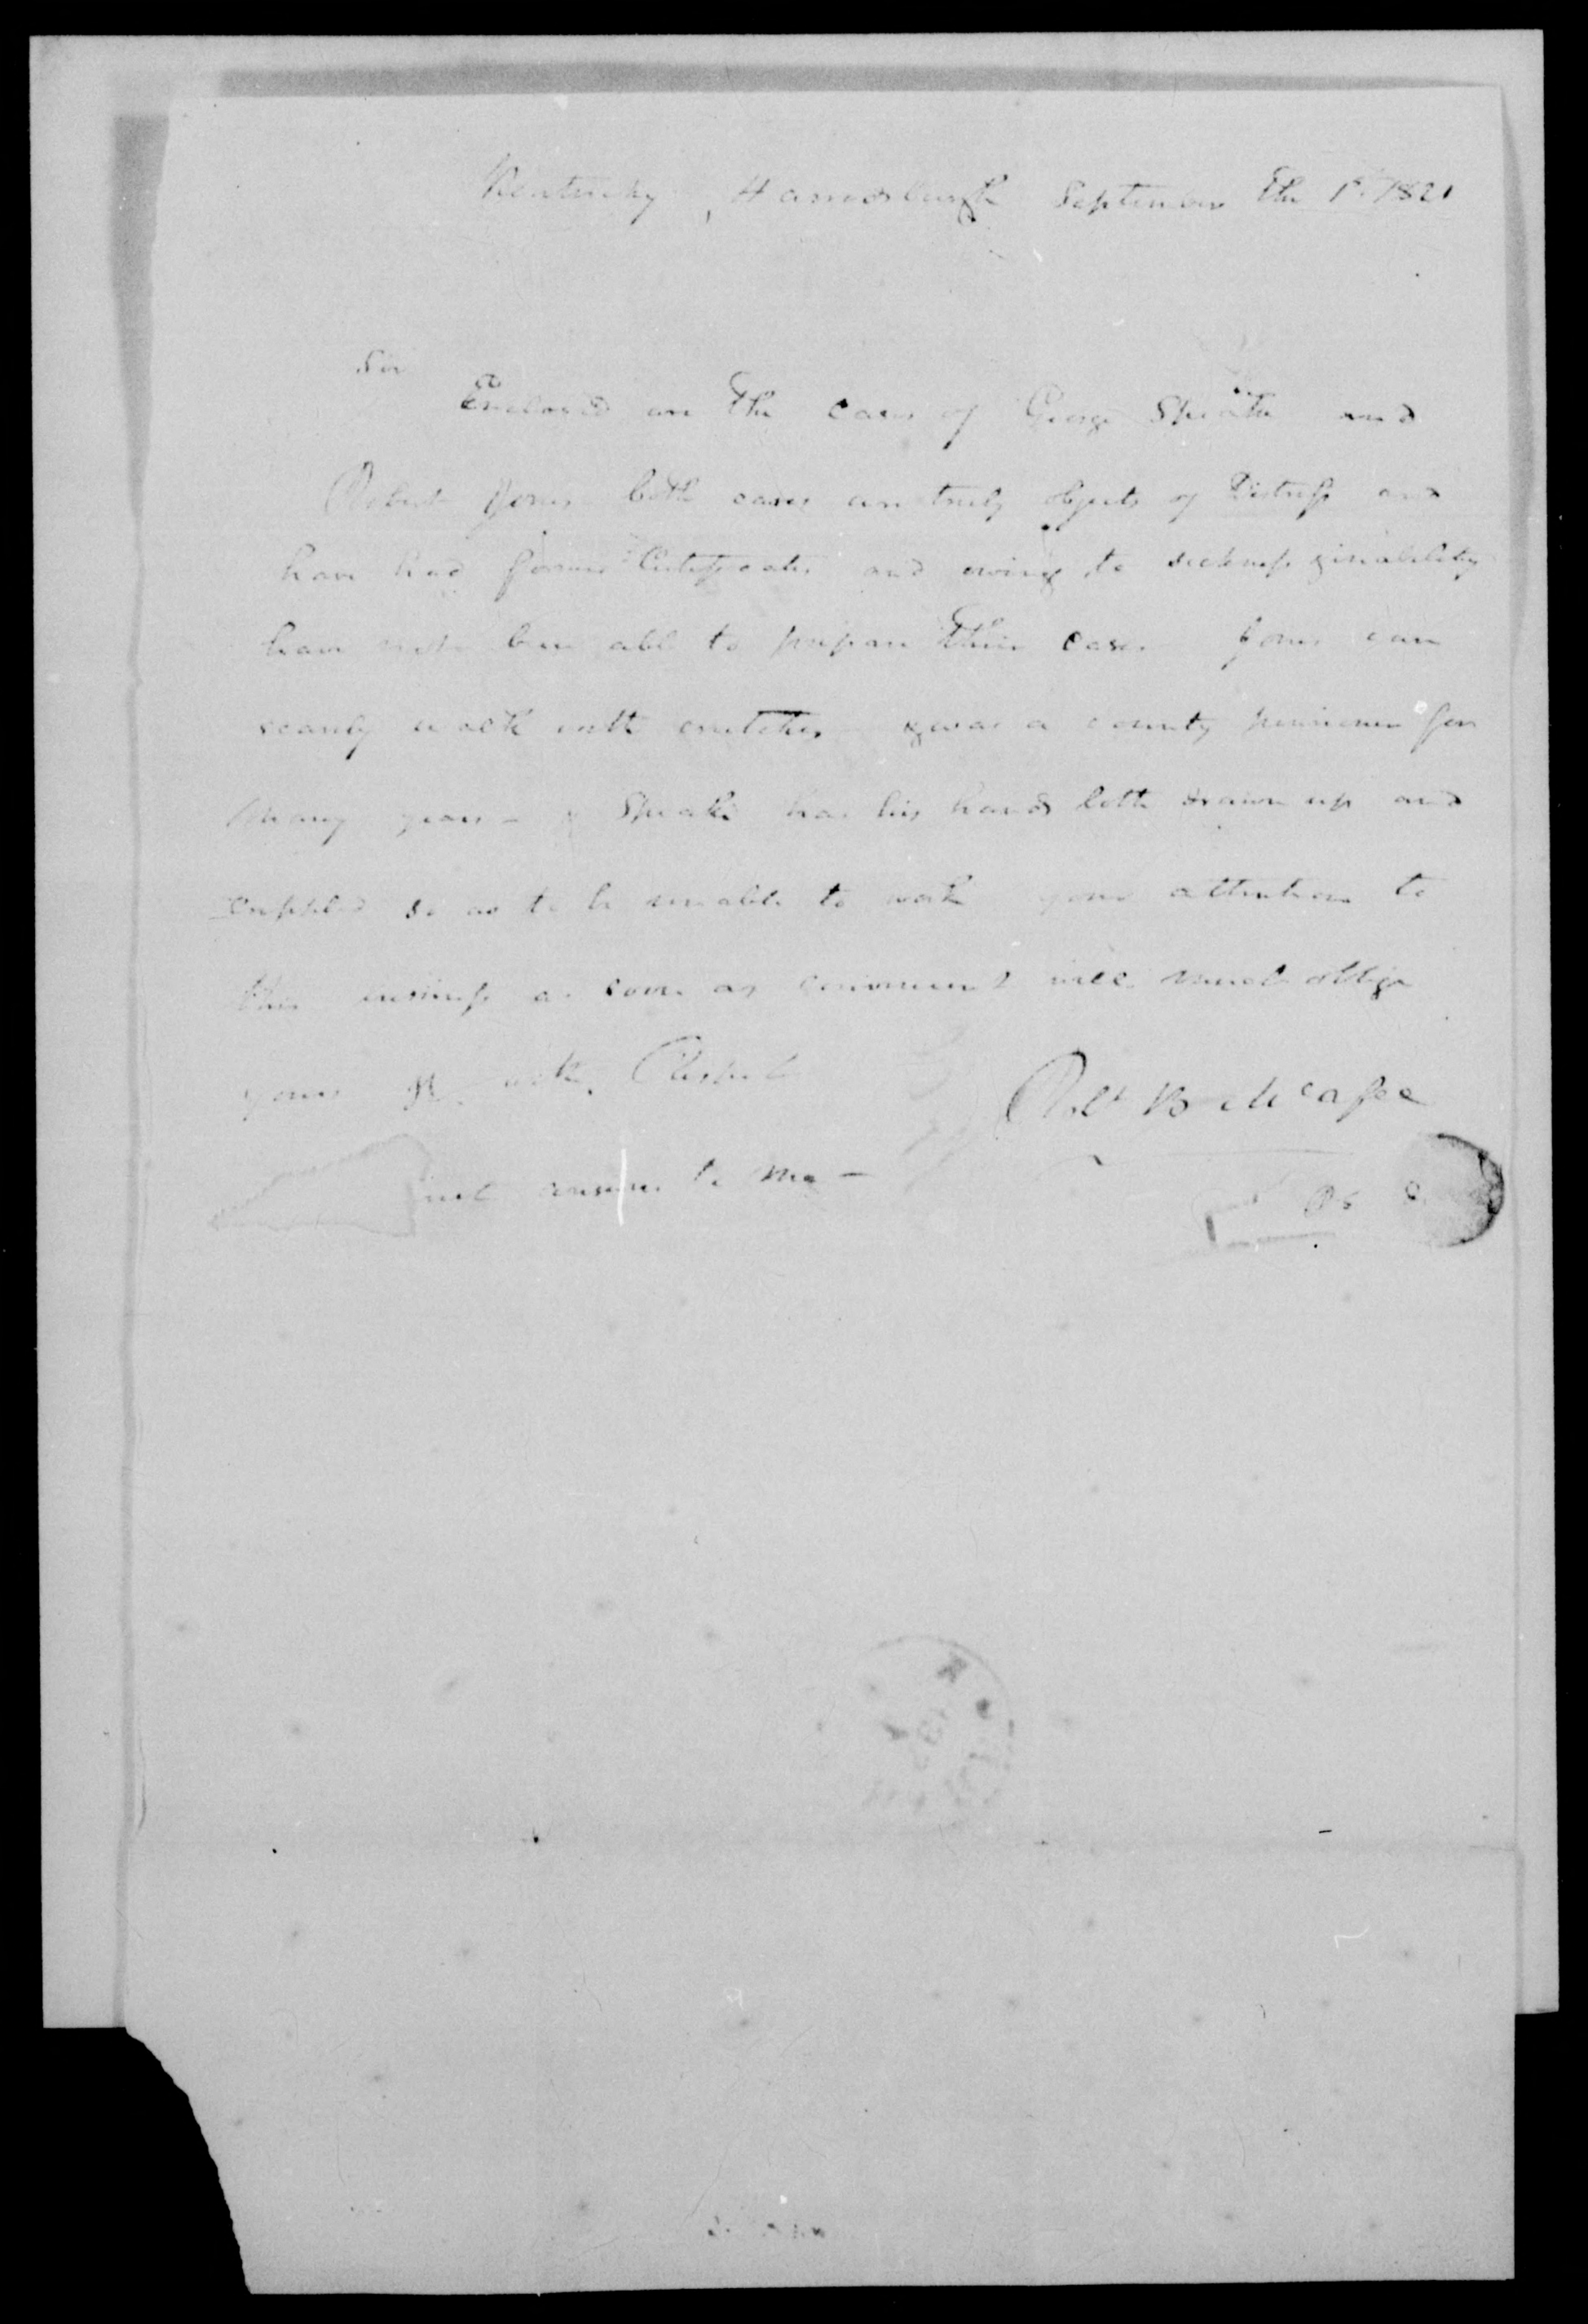Kentucky, Harrodburg September the 1st 1821

Sir

Enclosed in the case of George Speak and Robert Jones both cases are truly objects for Distress and have had former Certificates and owing to sickness & inability have not been able to prepare their cases. Jones can scarcely walk with crutches & was a county pensioner for many years - Speak has his hands both drawn up and crippled so as to be unable to work, your attention to their business as soon as convenient will much oblige yours &c ask Robert
Robert B. McAfee
[Signature]

P.S. Please send answer to me -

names: Robt B Mc Afee; [BLANK] Jones; George Speake; Robert Jones; [BLANK] Speake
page: 15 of 15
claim: survivor's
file: S. 37,435, for George Speak, Virginia